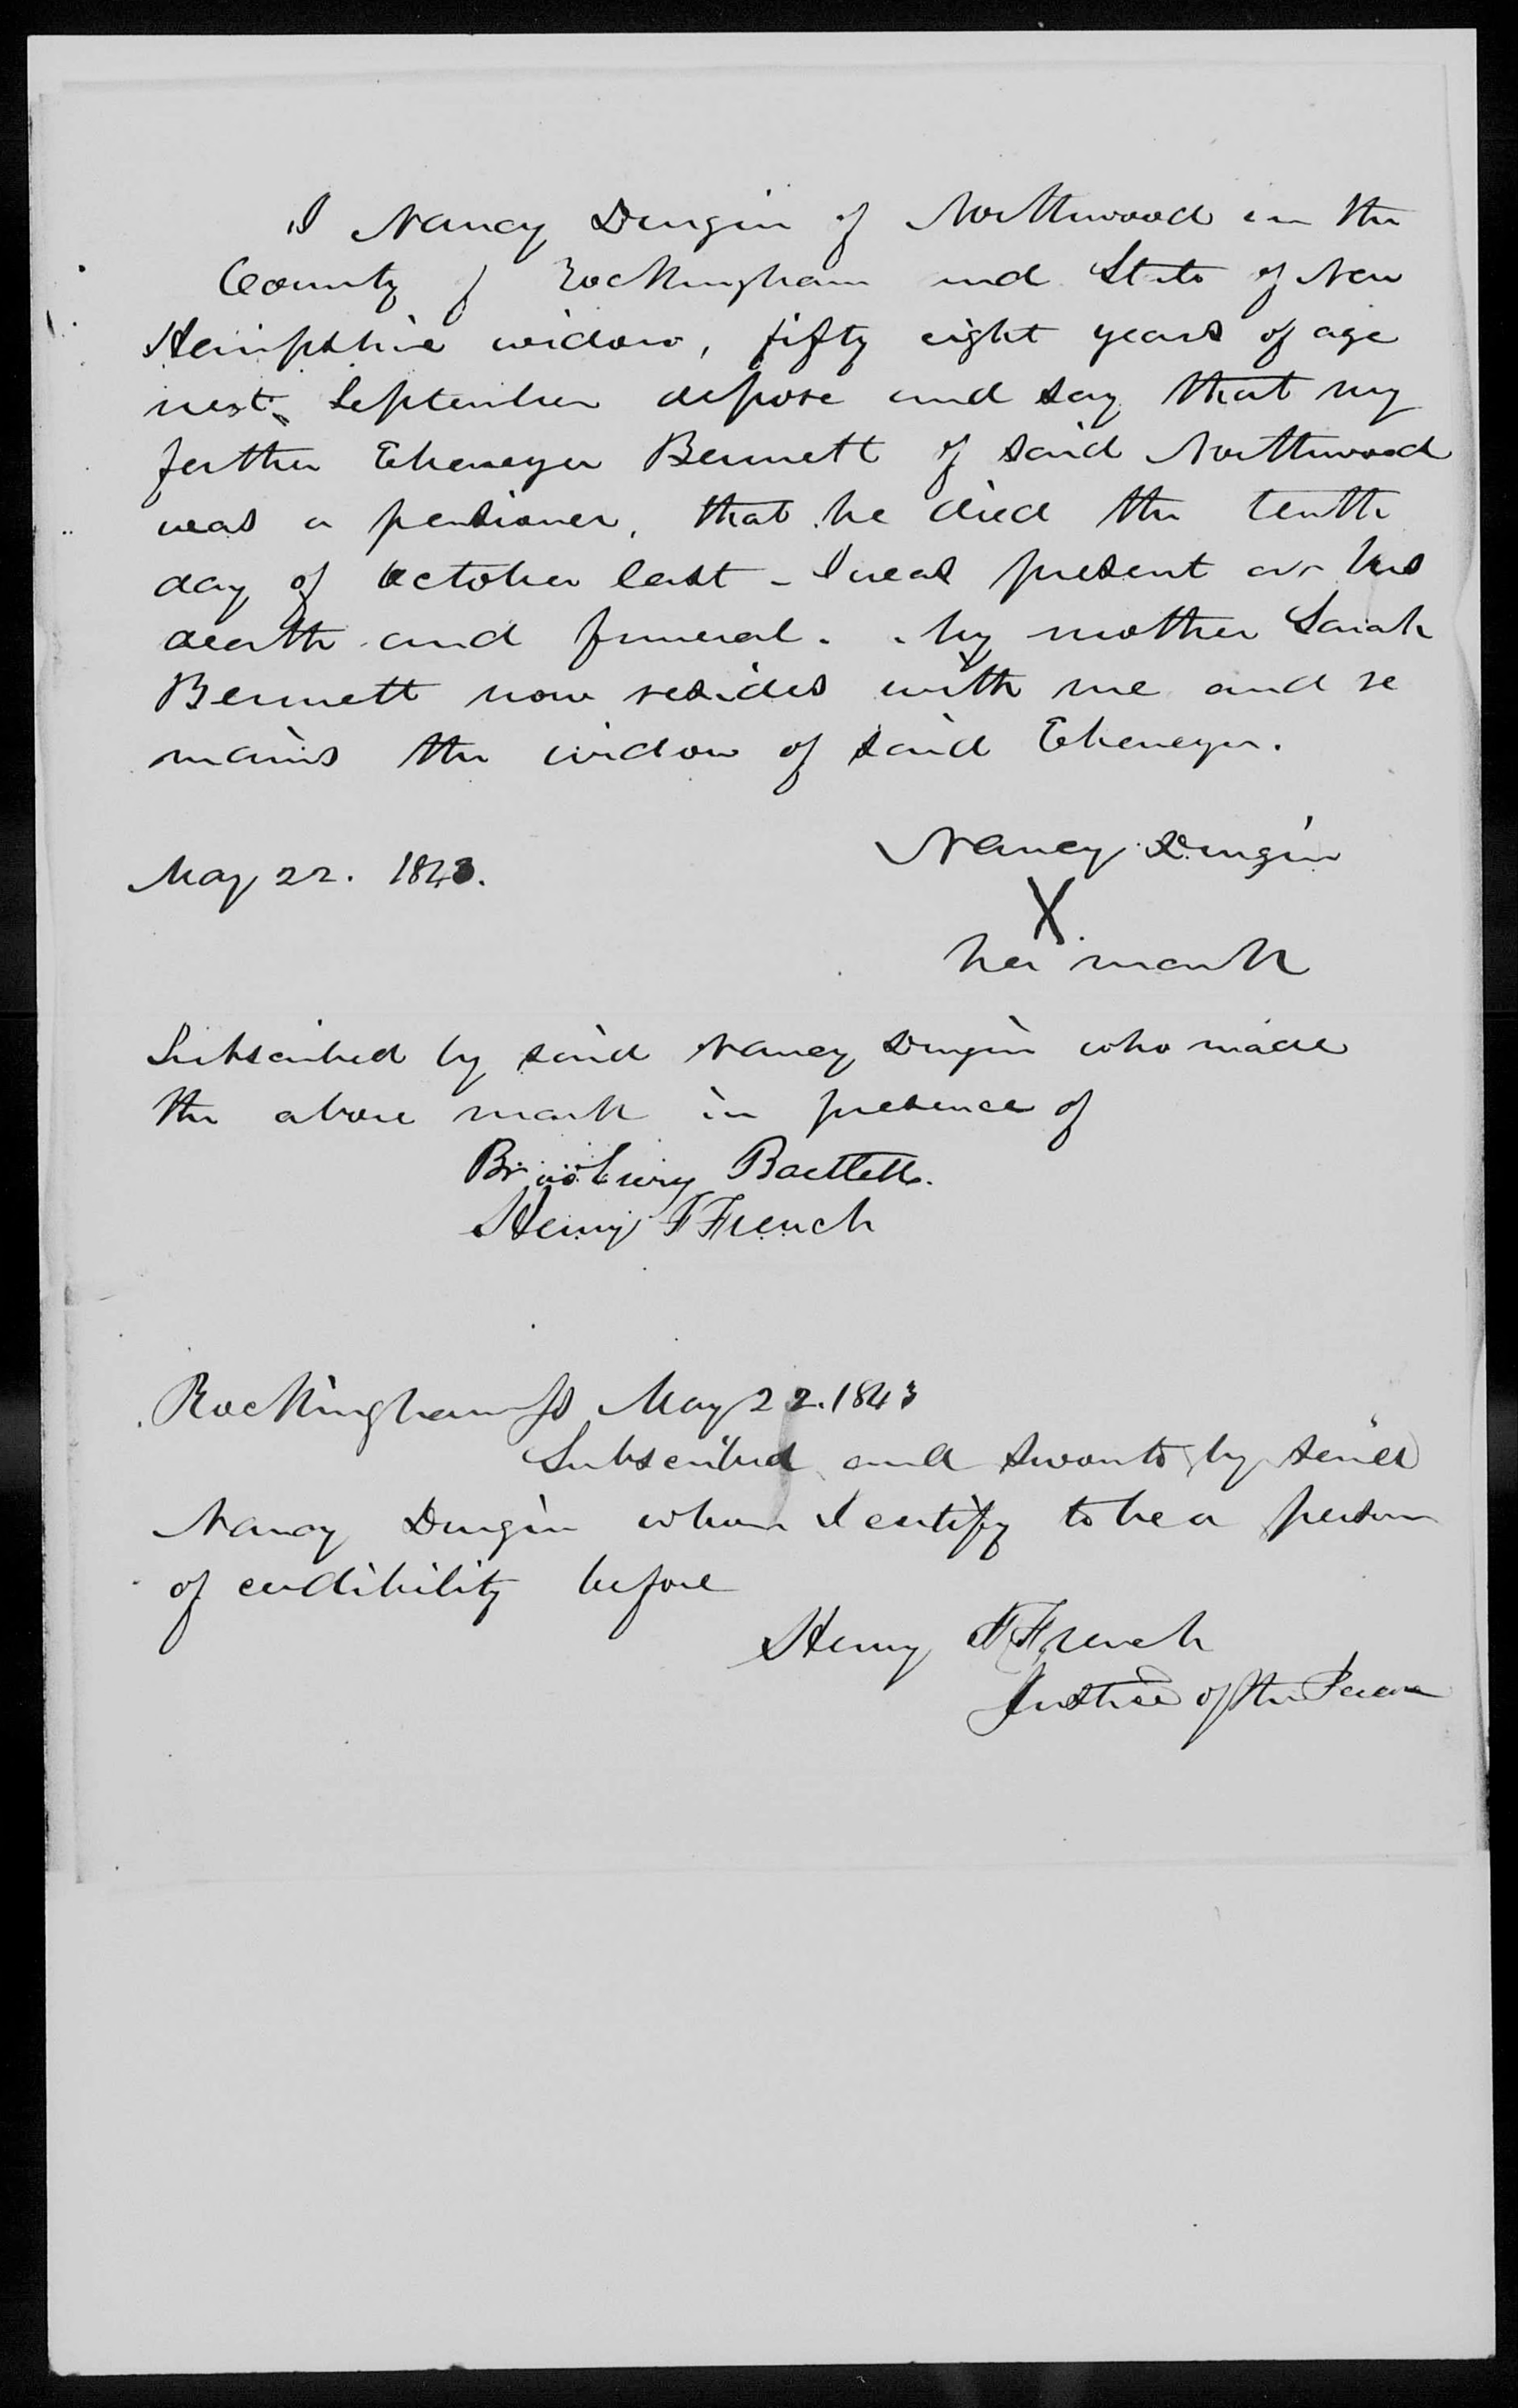Nancy Durgin of Northwood in the
County of Rockingham and State of New
Hampshire widow, fifty eight years of age
next September depose and say that my
father Ebenezer Bennett of said Northwood
was a pensioner. that he died the tenth
day of October last - was present at his
death and funeral. My mother Sarah
Bennett now resides with me, and remains the widow of said Ebenezer.
May 22. 1848    Nancy Durgin
X
her mark
Subscribed by said Nancy Durgin who made
the above mark in presence of
Briadbury Bartlett.
Henry F French
Rockingham ss May 22 1843

Subscribed and sworn to by said Nancy
Durgin whom I certify to be a person
of credibility before
Henry F French
Justice of the Peace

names: Nancy Durgin, Sarah Bennett, Nancy Durgin, Bradbury Bartlett, Nancy Durgin, Henry F French, Nancy Durgin, Ebenezer Bennett, Henry F French, Ebenezer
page: 23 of 43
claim: widow's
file: W. 21665, Ebenezer Bennett, N. H. Privateer.